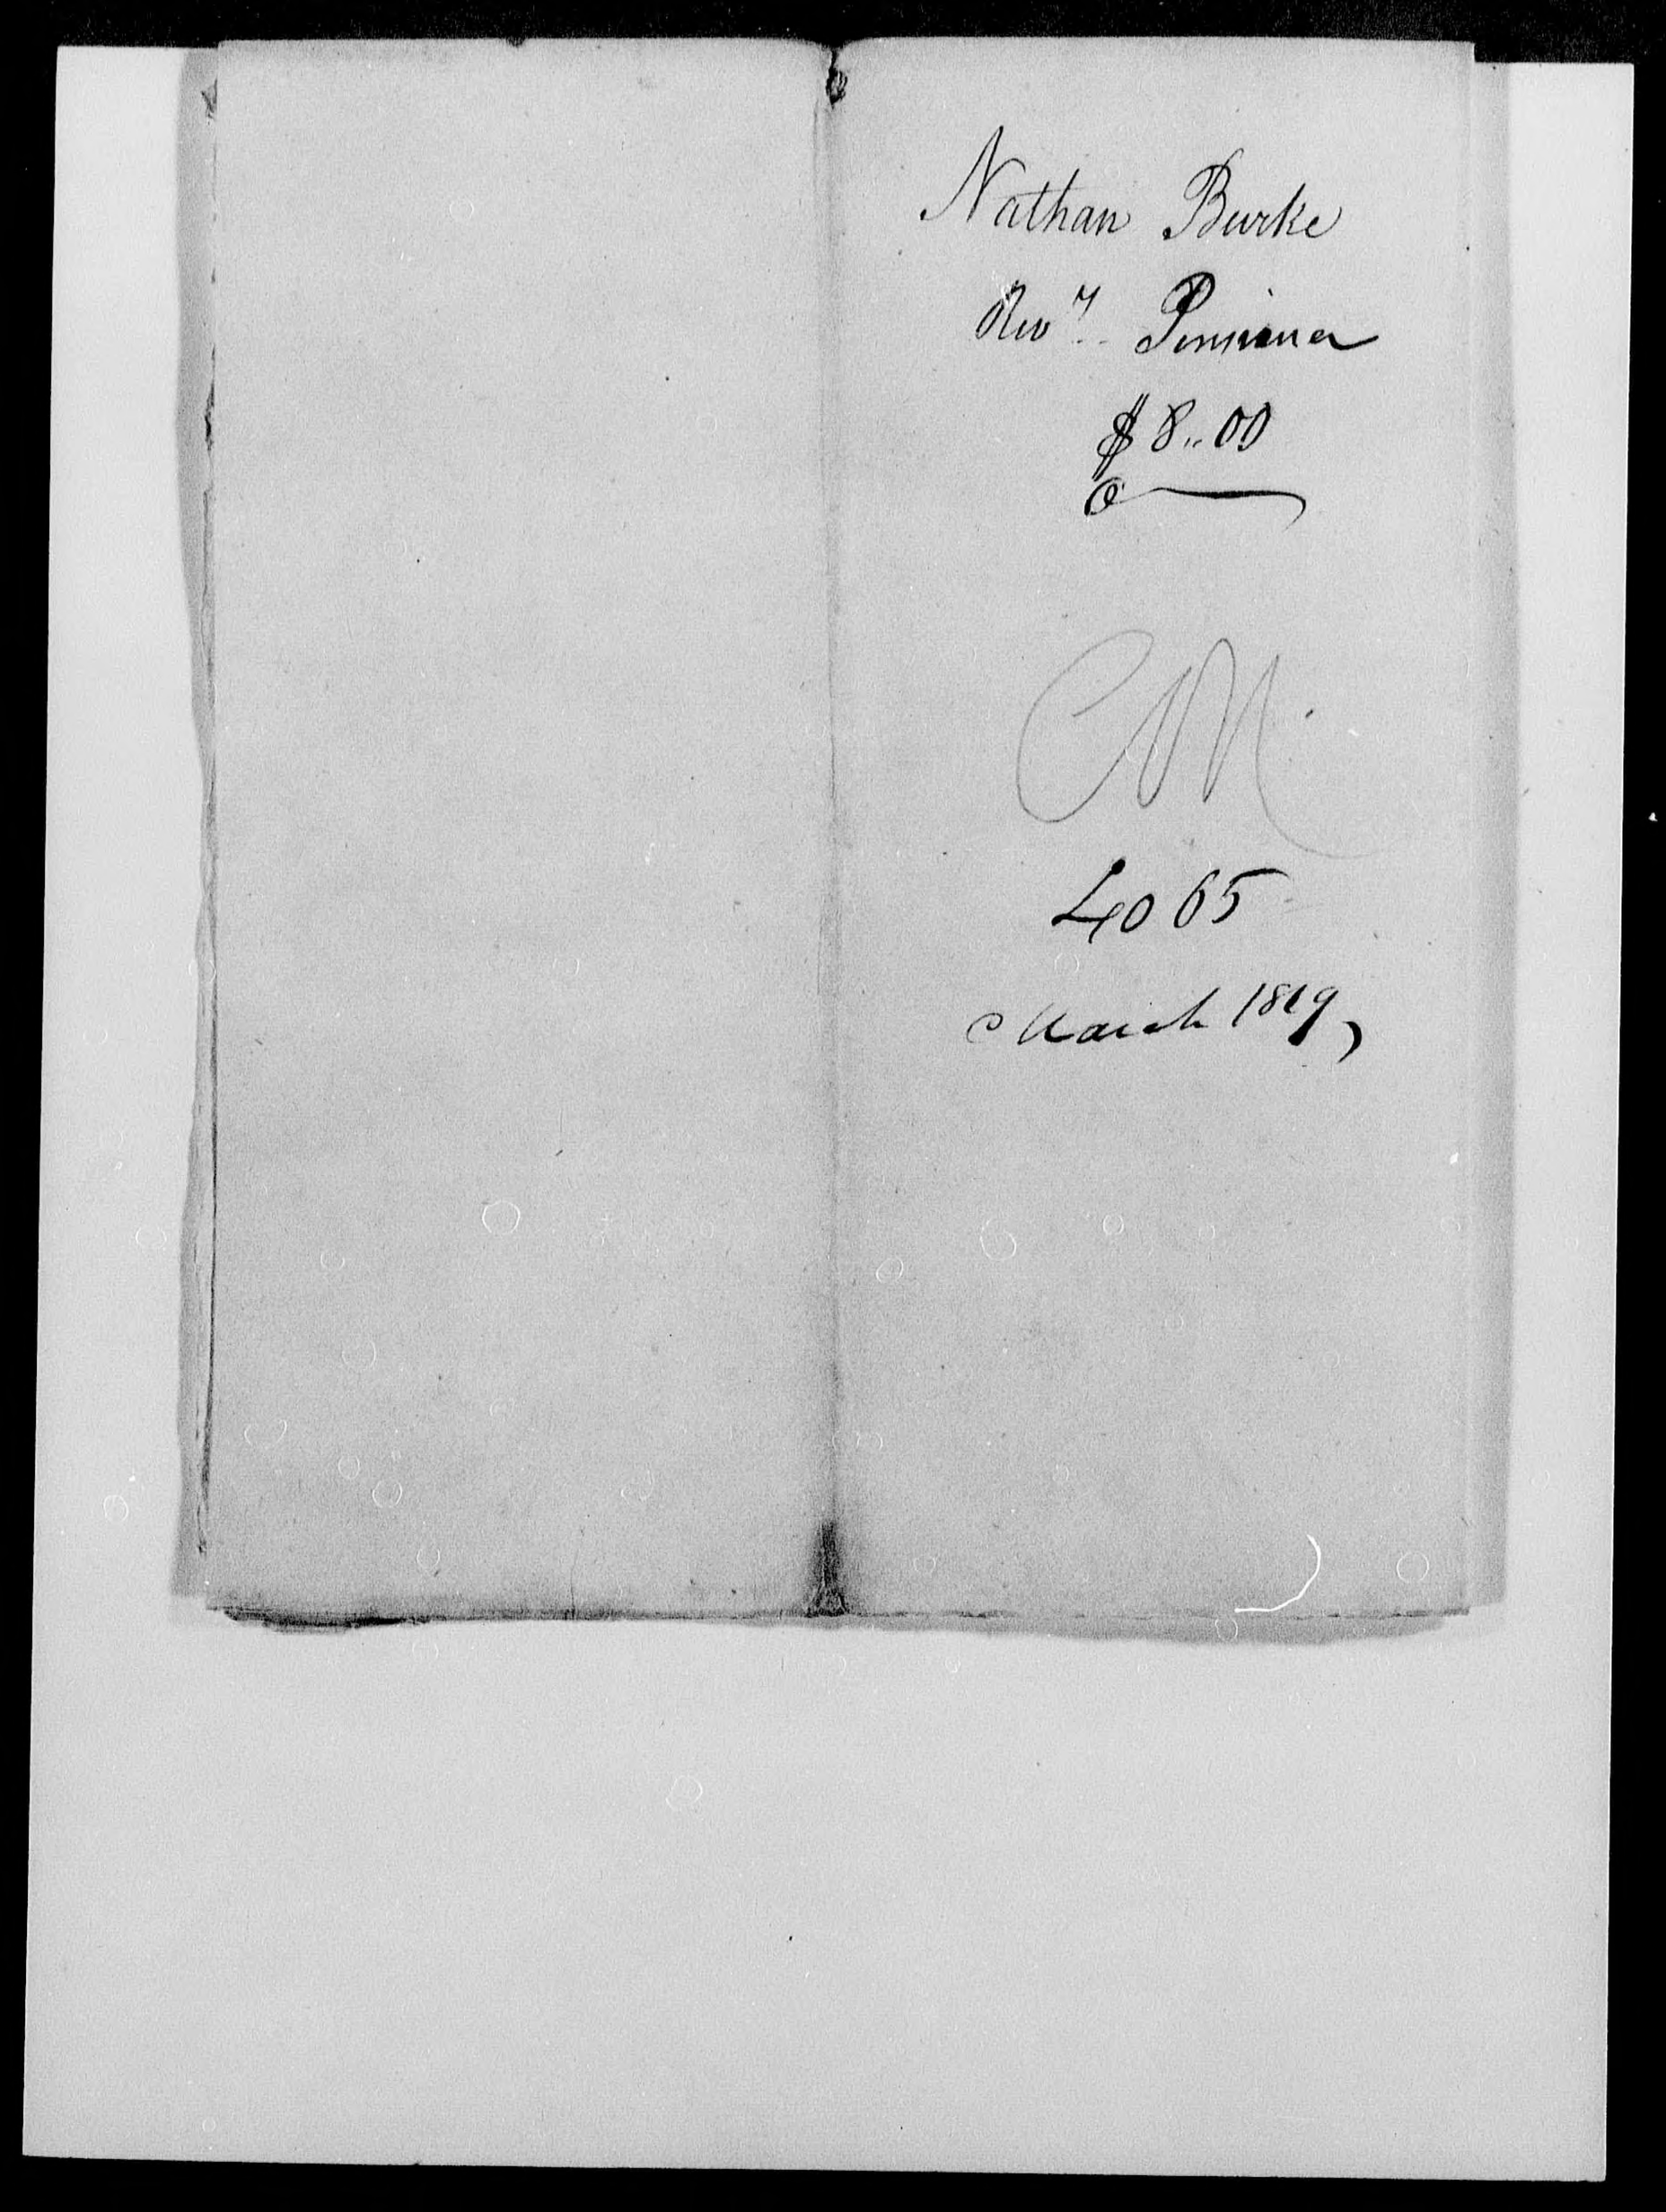Nathan Burke
Nev 7 - Pensioner
$8.00
CM
4065
March 1819,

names: Nathan Burke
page: 7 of 20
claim: survivor's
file: S. 34674, Nathan Burk, Md.